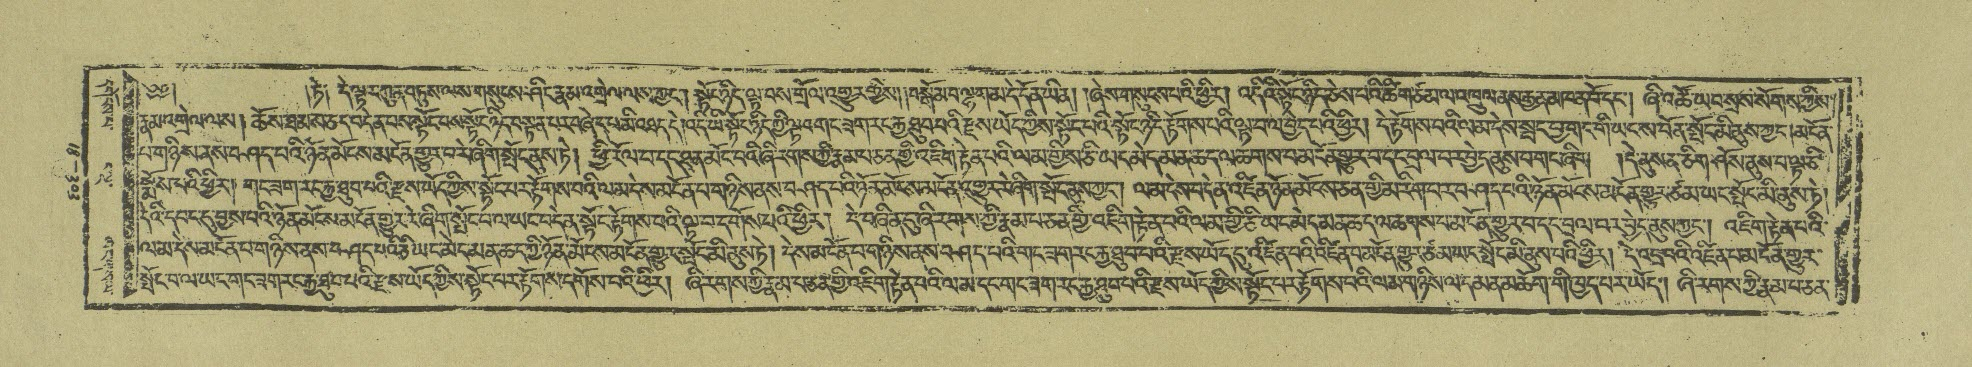༄༅། །ཏེ། དེ་ལྟར་ཀུན་བཏུས་ལས་གསུངས་ཤིང་རྣམ་འགྲེལ་ལས་ཀྱང་། སྟོང་ཉིད་ལྟ་བས་གྲོལ་འགྱུར་གྱིས། །བསྒོམ་པ་ལྷག་མ་དེ་དོན་ཡིན། །ཞེས་གསུངས་པའི་ཕྱིར། འདིའི་སྟོང་ཉིད་ཅེས་པའི་ཚིག་ཙམ་ལ་འཁྲུལ་ནས་རྒྱན་མཁན་པོ་དང་། ཞི་འཚོ་ཡབ་སྲས་སོགས་ཀྱིས་
རྣམ་འགྲེལ་ལས། ཆོས་ཐམས་ཅད་བདེན་པས་སྟོང་པས་སྟོང་ཉིད་བསྟན་པར་བཞེད་པ་མི་འཐད་དེ། འདི་ཡི་སྟོང་ཉིད་ཀྱི་ལྟ་བ་གང་ཟག་རང་རྐྱ་ཐུབ་པའི་རྫས་ཡོད་ཀྱིས་སྟོང་བའི་སྟོང་ཉིད་རྟོགས་པའི་ལྟ་བ་ལ་བྱེད་པའི་ཕྱིར། དེ་རྟོགས་པའི་ལམ་དེས་སྤང་བྱ་གང་གི་ཡང་ས་བོན་སྤོང་མི་ནུས་ཀྱང་། མངོན་
པ་གཉིས་ནས་བཤད་པའི་ཉོན་མོངས་མངོན་གྱུར་བ་རེ་ཞིག་སྤོང་ནུས་ཏེ། ཕྱི་རོལ་པ་དང་ཐུན་མོང་བའི་ཞི་རགས་ཀྱི་རྣམ་པ་ཅན་གྱི་འཇིག་རྟེན་པའི་ལམ་གྱིས་ཅི་ཡང་མེད་མན་ཆད་ལ་ཆགས་པ་མངོན་གྱུར་བ་དང་བྲལ་བར་བྱེད་ནུས་པ་གང་ཞིག །དེ་ནུས་ན་ཅིག་ཤོས་ནུས་པ་ལྟ་ཅི་
སྨོས་པའི་ཕྱིར། གང་ཟག་རང་རྐྱ་ཐུབ་པའི་རྫས་ཡོད་ཀྱིས་སྟོང་པར་རྟོགས་པའི་ལམ་དེས་མངོན་པ་གཉིས་ནས་བཤད་པའི་ཉོན་མོངས་མངོན་འགྱུར་རེ་ཞིག་སྤོང་ནུས་ཀྱང་། ལམ་དེས་བདེན་འཛིན་ཉོན་མོངས་ཅན་གྱི་མ་རིག་པར་བཤད་པའི་ཉོན་མོངས་མངོན་གྱུར་ཙམ་ཡང་སྤོང་མི་ནུས་ཏེ།
དེའི་དབང་དུ་བྱས་པའི་ཉོན་མོངས་མངོན་གྱུར་རེ་ཞིག་སྤོང་བ་ལ་ཡང་བདེན་སྟོང་རྟོགས་པའི་ལྟ་བ་དགོས་པའི་ཕྱིར། དེ་བཞིན་དུ་ཞི་རགས་ཀྱི་རྣམ་པ་ཅན་གྱི་འཇིག་རྟེན་པའི་ལམ་གྱི་ཅི་ཡང་མེད་མན་ཆད་ལ་ཆགས་པ་མངོན་གྱུར་པ་དང་བྲལ་བར་བྱེད་ནུས་ཀྱང་། འཇིག་རྟེན་པའི་
ལམ་དེས་མངོན་པ་གཉིས་ནས་བཤད་པའི་ཅི་ཡང་མེད་མན་ཆད་ཀྱི་ཉོན་མོངས་མངོན་གྱུར་སྤོང་མི་ནུས་ཏེ། དེས་མངོན་པ་གཉིས་ནས་བཤད་པའི་གང་ཟག་རང་རྐྱ་ཐུབ་པའི་རྫས་ཡོད་དུ་འཛིན་པའི་འཛིན་པ་མངོན་གྱུར་ཙམ་ཡང་སྤོང་མི་ནུས་པའི་ཕྱིར། དེ་འདྲ་བའི་འཛིན་པ་མངོན་གྱུར་
སྤོང་བ་ལ་ཡང་གང་ཟག་རང་རྐྱ་ཐུབ་པའི་རྫས་ཡོད་ཀྱིས་སྟོང་པར་རྟོགས་དགོས་པའི་ཕྱིར། ཞི་རགས་ཀྱི་རྣམ་པ་ཅན་གྱི་འཇིག་རྟེན་པའི་ལམ་དང་གང་ཟག་རང་རྐྱ་ཐུབ་པའི་རྫས་ཡོད་ཀྱིས་སྟོང་པར་རྟོགས་པའི་ལམ་གཉིས་ལ་དམན་མཆོག་གི་ཁྱད་པར་ཡོད། ཞི་རགས་ཀྱི་རྣམ་པ་ཅན་